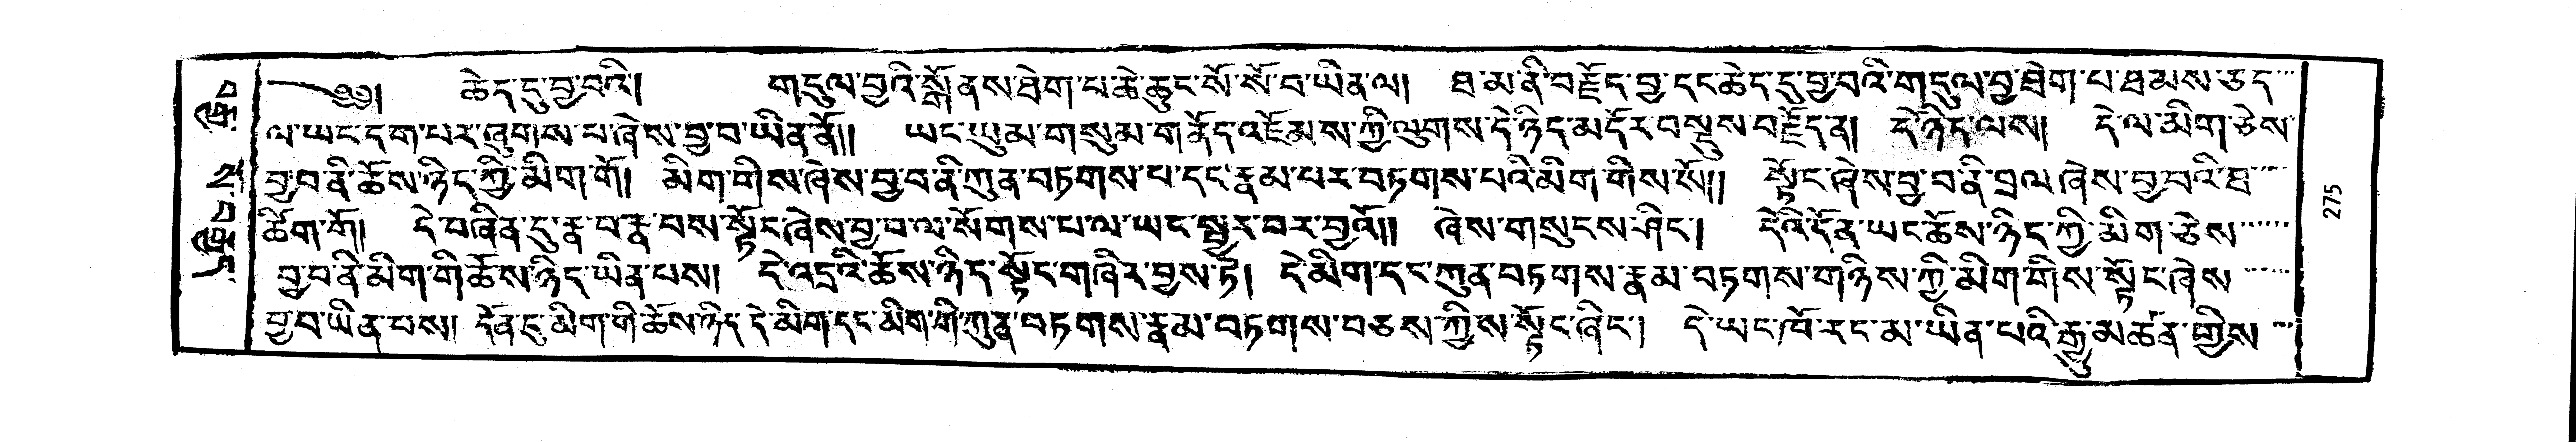༄༅། །ཆེད་དུ་བྱ་བའི། གདུལ་བྱའི་སྒོ་ནས་ཐེག་པ་ཆེ་ཆུང་སོ་སོ་བ་ཡིན་ལ། ཐ་མ་ནི་བརྗོད་བྱ་དང་ཆེད་དུ་བྱ་བའི་གདུལ་བྱ་ཐེག་པ་ཐམས་ཅད་
ལ་ཡང་དག་པར་ཞུགས་པ་ཞེས་བྱ་བ་ཡིན་ནོ། །ཡང་ཡུམ་གསུམ་གནོད་འཇོམས་ཀྱི་ལུགས་དེ་ཉིད་མདོར་བསྡུས་བརྗོད་ན། དེ་ཉིད་ལས། དེ་ལ་མིག་ཅེས་
བྱ་བ་ནི་ཆོས་ཉིད་ཀྱི་མིག་གོ །མིག་གིས་ཞེས་བྱ་བ་ནི་ཀུན་བཏགས་པ་དང་རྣམ་པར་བཏགས་པའི་མིག་གིས་སོ། །སྟོང་ཞེས་བྱ་བ་ནི་བྲལ་ཞེས་བྱ་བའི་ཐ་
ཚིག་གོ །དེ་བཞིན་དུ་རྣ་བ་རྣ་བས་སྟོང་ཞེས་བྱ་བ་ལ་སོགས་པ་ལ་ཡང་སྦྱར་བར་བྱའོ། །ཞེས་གསུངས་ཤིང་། དེའི་དོན་ཡང་ཆོས་ཉིད་ཀྱི་མིག་ཅེས་
བྱ་བ་ནི་མིག་གི་ཆོས་ཉིད་ཡིན་པས། དེ་འདྲའི་ཆོས་ཉིད་སྟོང་གཞིར་བྱས་ཏེ། དེ་མིག་དང་ཀུན་བཏགས་རྣམ་བཏགས་གཉིས་ཀྱི་མིག་གིས་སྟོང་ཞེས་
བྱ་བ་ཡིན་པས། དོན་དུ་མིག་གི་ཆོས་ཉིད་དེ་མིག་དང་མིག་གི་ཀུན་བཏགས་རྣམ་བཏགས་བཅས་ཀྱིས་སྟོང་ཞིང་། དེ་ཡང་ཁོ་རང་མ་ཡིན་པའི་རྒྱུ་མཚན་གྱིས་